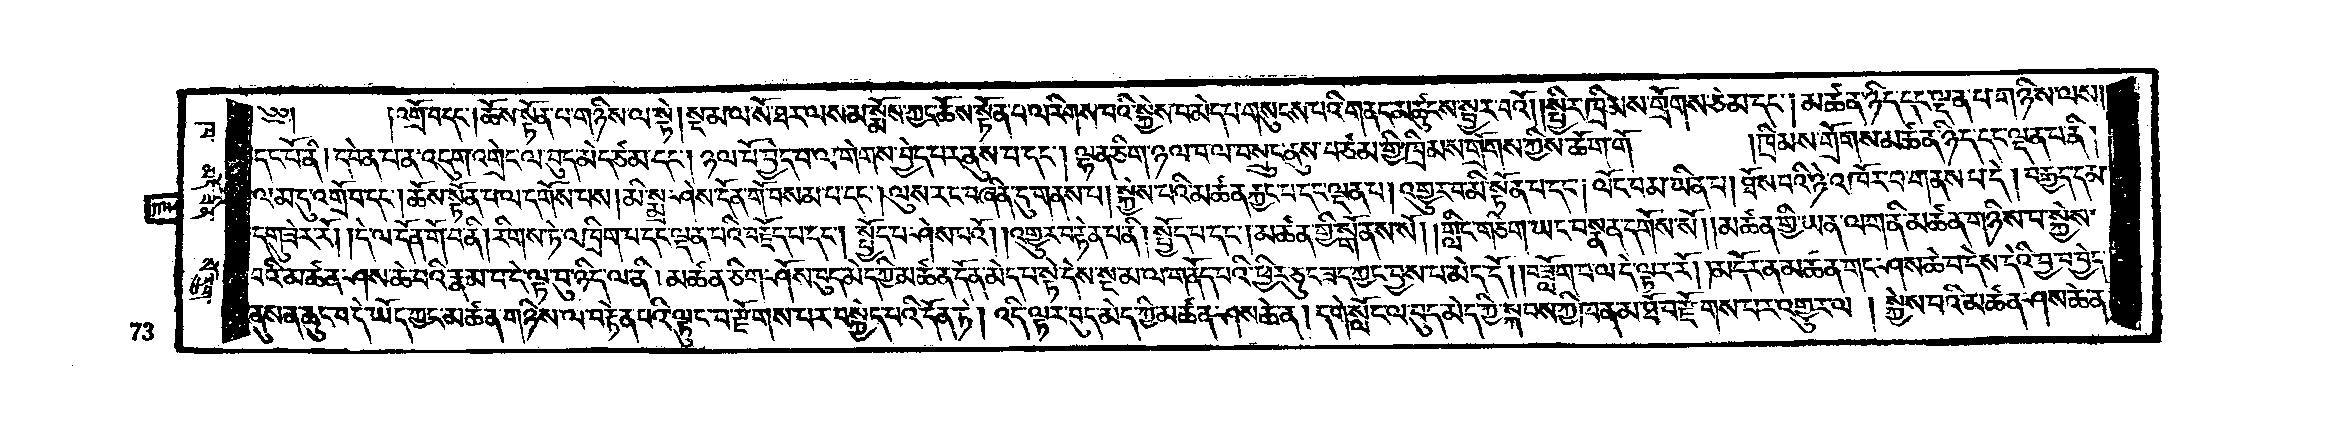༄༅། །འགྲོ་བ་དང་། ཆོས་སྟོན་པ་གཉིས་ལ་སྟེ། སྔ་མ་ལ་སོ་ཐར་ལས་མ་སྨོས་ཀྱང་ཆོས་སྟོན་པ་ལ་རིགས་པའི་སྐྱེས་པ་མེད་པ་གསུངས་པའི་གནད་མཚུངས་སྦྱར་བའོ། །སྤྱིར་ཁྲིམས་གྲོགས་ཙམ་དང་། མཚན་ཉིད་དང་ལྡན་པ་གཉིས་ལས།
དང་པོ་ནི། དབེན་པ་ན་འདུག་འགྲེང་ལ་བུད་མེད་ཙམ་དང་། ཉལ་པོ་བྱེད་པ་ལ་གེགས་བྱེད་པར་ནུས་པ་དང་། ལྷན་ཅིག་ཉལ་བ་ལ་བསྲུང་ནུས་པ་ཙམ་གྱི་ཁྲིམས་གྲོགས་ཀྱིས་ཆོག་གོ །ཁྲིམས་གྲོགས་མཚན་ཉིད་དང་ལྡན་པ་ནི།
ལམ་དུ་འགྲོ་བ་དང་། ཆོས་སྟོན་པ་ལ་དགོས་པས། མི་སྨྲ་ཤེས་དོན་གོ་བསམ་པ་དང་། ལུས་རང་བཞིན་དུ་གནས་པ། སྐྱེས་པའི་མཚན་རྐྱང་པ་དང་ལྡན་པ། འགྱུར་བ་མི་སྟོན་པ་དང་། ལོང་བ་མ་ཡིན་པ། ཐོས་པའི་ཉེ་འཁོར་པ་གནས་པ་དེ། བརྒྱད་དམ་
དགུ་ཟེར་རོ། །དེ་ལ་དོན་གོ་བ་ནི། རིགས་ཏེ་འཁྲིག་པ་དང་ལྡན་པའི་བརྗོད་པ་དང་། སྤྱོད་པ་ཤེས་པའོ། །འགྱུར་བ་རྟེན་པ་ནི། སྤྱོད་པ་དང་། མཚན་གྱི་སྒོ་ནས་སོ། །གླིང་གཅིག་ཡང་བསྣན་དགོས་སོ། །མཚན་གྱི་ཡན་ལག་ནི་མཚན་གཉིས་པ་སྐྱེས་
པའི་མཚན་ཤས་ཆེ་བའི་རྣམ་པ་དེ་ལྟ་བུ་ཉིད་ལ་ནི། མཚན་ཅིག་ཤོས་བུད་མེད་ཀྱི་མཚན་དོན་མེད་པ་སྟེ་དེས་སྔ་མ་ལ་གནོད་པའི་ཕྱིར་ཅུང་ཟད་ཀྱང་བྱས་པ་མེད་དོ། །བཟློག་པ་ལ་དེ་ལྟར་རོ། །མདོར་ན་མཚན་གང་ཤས་ཆེ་བ་དེས་དེའི་བྱ་བ་བྱེད་
ནུས་ན་ཆུང་བ་དེ་ཡོད་ཀྱང་མཚན་གཉིས་ལ་བརྟེན་པའི་ལྟུང་བ་རྫོགས་པར་བསྐྱེད་པའི་དོན་ཏེ། འདི་ལྟར་བུད་མེད་ཀྱི་མཚན་ཤས་ཆེ་ན། དགེ་སློང་ལ་བུད་མེད་ཀྱི་སྐབས་ཀྱི་ཁ་ན་མ་ཐོ་བ་རྫོགས་པར་འགྱུར་ལ། སྐྱེས་པའི་མཚན་ཤས་ཆེ་ན་